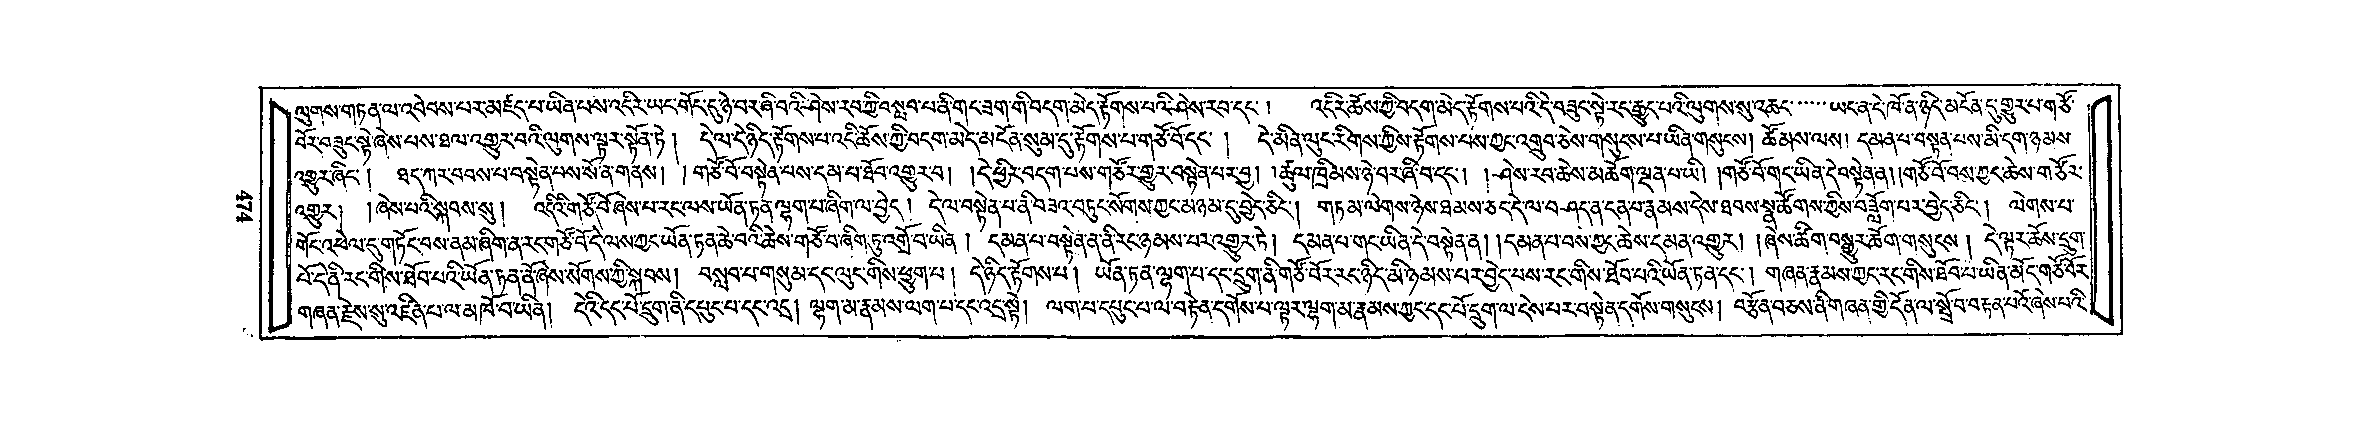ལུགས་གཏན་ལ་འབེབས་པར་མཛད་པ་ཡིན་པས་འདིར་ཡང་གོང་དུ་ཉེ་བར་ཞི་བའི་ཤེས་རབ་ཀྱི་བསླབ་པ་ནི་གང་ཟག་གི་བདག་མེད་རྟོགས་པའི་ཤེས་རབ་དང་། འདིར་ཆོས་ཀྱི་བདག་མེད་རྟོགས་པའི་དེ་བཟུང་སྟེ་རང་རྒྱུད་པའི་ལུགས་སུ་འཆང་ཡང་ན་དེ་ཁོ་ན་ཉིད་མངོན་དུ་གྱུར་པ་གཙོ་
བོར་བཟུང་སྟེ་ཞེས་པས་ཐལ་འགྱུར་བའི་ལུགས་ལྟར་སྟོན་ཏེ། དེ་ལ་དེ་ཉིད་རྟོགས་པ་འདི་ཆོས་ཀྱི་བདག་མེད་མངོན་སུམ་དུ་རྟོགས་པ་གཙོ་བོ་དང་། དེ་མིན་ལུང་རིགས་ཀྱིས་རྟོགས་པས་ཀྱང་འགྲུབ་ཅེས་གསུངས་པ་ཡིན་གསུངས། ཚོམས་ལས། དམན་པ་བསྟན་པས་མི་དག་ཉམས་
འགྱུར་ཞིང་། ཐད་ཀར་བབས་པ་བསྟེན་པས་སོ་ན་གནས། །གཙོ་བོ་བསྟེན་པས་དམ་པ་ཐོབ་འགྱུར་བ། །དེ་ཕྱིར་བདག་པས་གཙོར་གྱུར་བསྟེན་པར་བྱ། །ཚུལ་ཁྲིམས་ཉེ་བར་ཞི་བ་དང་། །ཤེས་རབ་ཆེས་མཆོག་ལྡན་པ་ཡི། །གཙོ་བོ་གང་ཡིན་དེ་བསྟེན་ན། །གཙོ་བོ་བས་ཀྱང་ཆེས་གཙོར་
འགྱུར། །ཞེས་པའི་སྐབས་སུ། འདིའི་གཙོ་བོ་ཞེས་པ་རང་ལས་ཡོན་ཏན་ལྷག་པ་ཞིག་ལ་བྱེད། དེ་ལ་བསྟེན་པ་ནི་བཟའ་བཏུང་སོགས་ཀྱང་མཉམ་དུ་བྱེད་ཅིང་། གཏམ་ལེགས་ཉེས་ཐམས་ཅད་དེ་ལ་བཤད་ན་ངན་པ་རྣམས་དེས་ཐབས་སྣ་ཚོགས་ཀྱིས་བཟློག་པར་བྱེད་ཅིང་། ལེགས་པ་
གོང་འཕེལ་དུ་གཏོང་བས་ནམ་ཞིག་ན་རང་གཙོ་བོ་དེ་ལས་ཀྱང་ཡོན་ཏན་ཆེ་བའི་ཆེས་གཙོ་བོ་ཞིག་ཏུ་འགྲོ་བ་ཡིན། དམན་པ་བསྟེན་ན་ནི་རང་ཉམས་པར་འགྱུར་ཏེ། དམན་པ་གང་ཡིན་དེ་བསྟེན་ན། །དམན་པ་བས་ཀྱང་ཆེས་དམན་འགྱུར། །ཞེས་ཚིག་བསྒྱུར་ཆོག་གསུངས། དེ་ལྟར་ཆོས་དྲུག་
པོ་དེ་ནི་རང་གིས་ཐོབ་པའི་ཡོན་ཏན་ནོ་ཞེས་སོགས་ཀྱི་སྐབས། བསླབ་པ་གསུམ་དང་ལུང་གིས་ཕྱུག་པ། དེ་ཉིད་རྟོགས་པ། ཡོན་ཏན་ལྷག་པ་དང་དྲུག་ནི་གཙོ་བོར་རང་ཉིད་མི་ཉམས་པར་བྱེད་པས་རང་གིས་ཐོབ་པའི་ཡོན་ཏན་དང་། གཞན་རྣམས་ཀྱང་རང་གིས་ཐོབ་པ་ཡིན་མོད་གཙོ་བོར་
གཞན་རྗེས་སུ་འཛིན་པ་ལ་མཁོ་བ་ཡིན། དེའི་དང་པོ་དྲུག་ནི་དཔུང་བ་དང་འདྲ། ལྷག་མ་རྣམས་ལག་པ་དང་འདྲ་སྟེ། ལག་པ་དཔུང་པ་ལ་བརྟེན་དགོས་པ་ལྟར་ལྷག་མ་རྣམས་ཀྱང་དང་པོ་དྲུག་ལ་ངེས་པར་བསྟེན་དགོས་གསུངས། བརྩོན་བཅས་ནི་གཞན་གྱི་དོན་ལ་སྤྲོ་བ་བརྟན་པའོ་ཞེས་པའི་